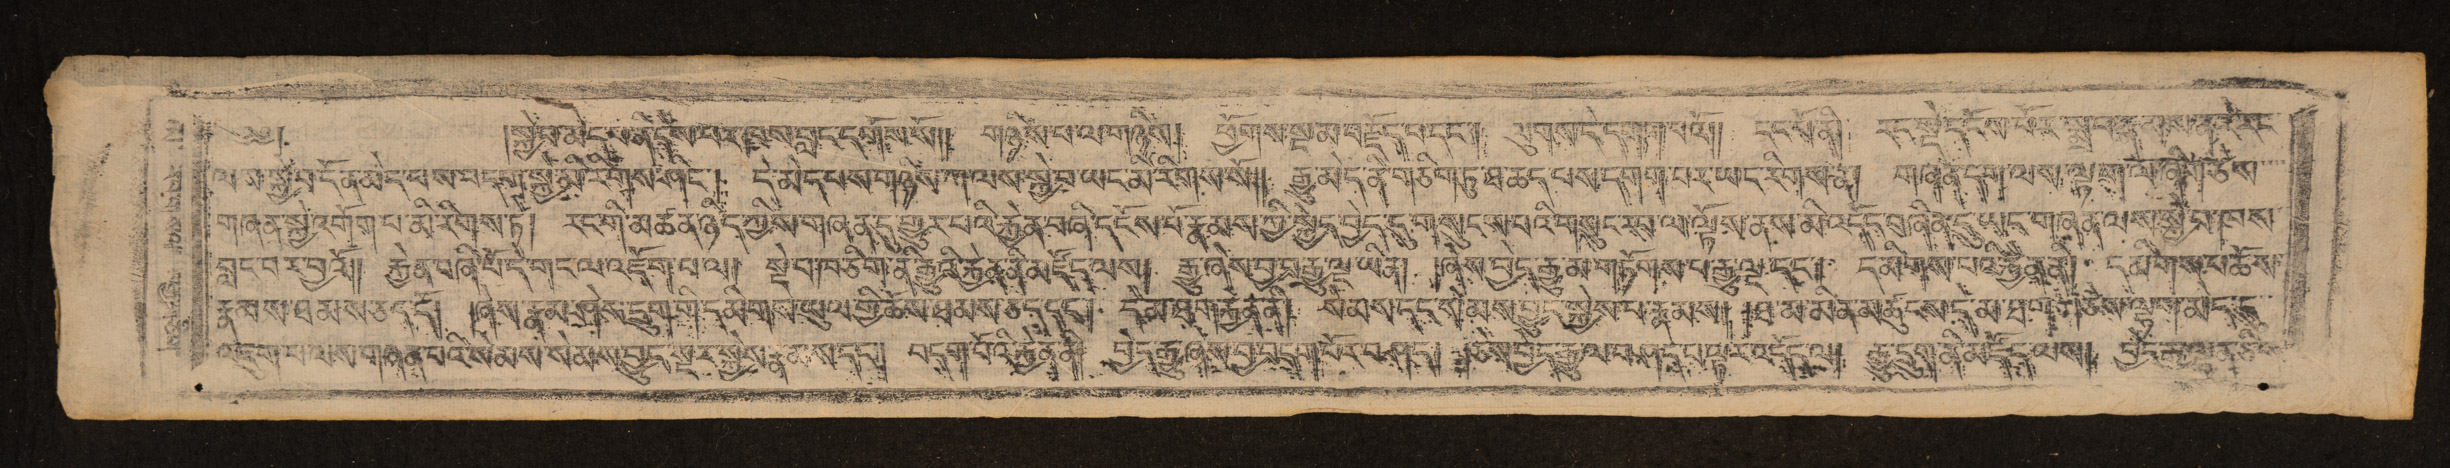༄༅། །སྐྱེ་བ་མེད་པ་ནི་དེས་པར་ཁས་བླང་དགོས་སོ།། གཉིས་པ་ལ་གཉིས། ཕྱོགས་སྔ་མ་བརྗོད་པ་དང་། ལུགས་དེ་དགག་པའོ།། དང་པོ་ནི། རང་སྡེ་དངོས་པོར་སྨྲ་བ་རྣམས་ན་རེ་རང་
ལས་སྐྱེ་བ་དོན་མེད་པས་བདག་སྐྱེ་མི་རིགས་ཤིང་། དེ་མེད་པས་གཉིས་ཀ་ལས་སྐྱེ་བ་ཡང་མི་རིགས་སོ།། རྒྱུ་མེད་ནི་གཅིག་ཏུ་ཐ་ཆད་པས་དགག་པར་ཡང་རིགས་ན། གཞན་དག་ལས་ལྟ་ག་ལ་ཞིག་ཅེས་
གཞན་སྐྱེ་འགོག་པ་མི་རིགས་ཏེ། རང་གི་མཚན་ཉིད་ཀྱིས་གཞན་དུ་གྱུར་པའི་རྐྱེན་བཞི་དངོས་པོ་རྣམས་ཀྱི་སྐྱེད་བྱེད་དུ་གསུངས་པའི་གསུང་རབ་ལ་ལྟོས་ནས། མི་འདོད་བཞིན་དུ་ཡང་གཞན་ལས་སྐྱེ་བ་ཁས་
བླང་བར་བྱའོ།། རྐྱེན་བཞི་པོ་དེ་གང་ལ་འཇོག་པ་ལ། སྡེ་པ་ཁ་ཅིག་ནི་རྒྱུའི་རྐྱེན་ནི་མཛོད་ལས། རྒྱུ་ཞེས་བྱ་བ་རྒྱུ་ལྔ་ཡིན། །ཞེས་བྱེད་རྒྱུ་མ་གཏོགས་པ་རྒྱུ་ལྔ་དང་། དམིགས་པའི་རྐྱེན་ནི། དམིགས་པ་ཆོས་
རྣམས་ཐམས་ཅད་དོ། །ཞེས་རྣམ་ཤེས་དྲུག་གི་དམིགས་ཡུལ་གྱི་ཆོས་ཐམས་ཅད་དང་། དེ་མ་ཐག་རྐྱེན་ནི། སེམས་དང་སེམས་བྱུང་སྐྱེས་པ་རྣམས། །ཐ་མ་མིན་མཚུངས་དེ་མ་ཐག །ཅེས་ལྷག་མེད་དུ་
འཇུག་པ་ལས་གཞན་པའི་སེམས་སེམས་བྱུང་སྔར་སྐྱེས་རྣམས་དང་། བདག་པོའི་རྐྱེན་ནི། བྱེད་རྒྱུ་ཞེས་བྱ་བདག་པོར་བཤད། །ཅེས་བྱེད་རྒྱུ་ལ་བཤད་པ་ལྟར་འདོད་ལ། རྒྱུ་དྲུག་ནི་མཛོད་ལས། བྱེད་རྒྱུ་ལྷན་ཅིག་